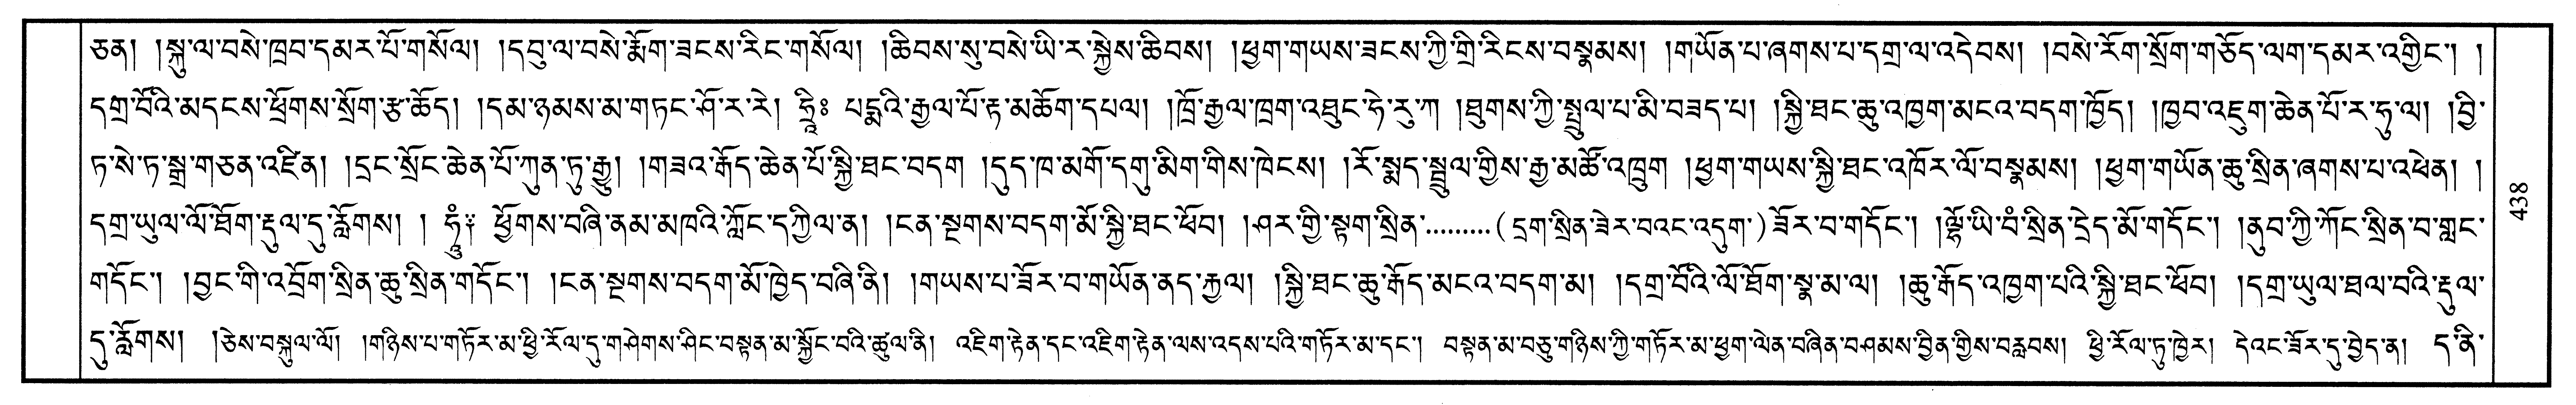ཅན། །སྐུ་ལ་བསེ་ཁྲབ་དམར་པོ་གསོལ། །དབུ་ལ་བསེ་རྨོག་ཟངས་རིང་གསོལ། །ཆིབས་སུ་བསེ་ཡི་ར་སྐྱེས་ཆིབས། །ཕྱག་གཡས་ཟངས་ཀྱི་གྲི་རིངས་བསྣམས། །གཡོན་པ་ཞགས་པ་དགྲ་ལ་འདེབས། །བསེ་རོག་སྲོག་གཅོད་ལག་དམར་འགྱིང་། །
དགྲ་བོའི་མདངས་ཕྲོགས་སྲོག་རྩ་ཆོད། །དམ་ཉམས་མ་གཏང་ཤོ་ར་རེ། ཧྲཱིཿ པདམའི་རྒྱལ་པོ་རྟ་མཆོག་དཔལ། །ཁྲོ་རྒྱལ་ཁྲག་འཐུང་ཧེ་རུ་ཀ །ཐུགས་ཀྱི་སྤྲུལ་པ་མི་བཟད་པ། སྐྱི་ཐང་ཆུ་འཁྱག་མངའ་བདག་ཁྱོད། །ཁྱབ་འཇུག་ཆེན་པོ་ར་ཧུ་ལ། །བྱི་
ཏ་སེ་ཏ་སྒྲ་གཅན་འཛིན། །དྲང་སྲོང་ཆེན་པོ་ཀུན་ཏུ་རྒྱུ། །གཟའ་རྒོད་ཆེན་པོ་སྐྱི་ཐང་བདག །དུད་ཁ་མགོ་དགུ་མིག་གིས་ཁེངས། །རོ་སྨད་སྦྲུལ་གྱིས་རྒྱ་མཚོ་འཁྲུག །ཕྱག་གཡས་སྐྱི་ཐང་འཁོར་ལོ་བསྣམས། །ཕྱག་གཡོན་ཆུ་སྲིན་ཞགས་པ་འཕེན། །
དགྲ་ཡུལ་ལོ་ཐོག་རྡུལ་དུ་རློགས། །ཧཱུཾ༑ ཕྱོགས་བཞི་ནམ་མཁའི་ཀློང་དཀྱིལ་ན། །ངན་སྔགས་བདག་མོ་སྐྱི་ཐང་ཕོབ། །ཤར་གྱི་སྟག་སྲིན་དྲག་སྲིན་ཟེར་བའང་འདུག་ཟོར་བ་གདོང་། །ལྷོ་ཡི་བཾ་སྲིན་དྲེད་མོ་གདོང་། །ནུབ་ཀྱི་ཀོང་སྲིན་བ་གླང་
གདོང་། །བྱང་གི་འབྲོག་སྲིན་ཆུ་སྲིན་གདོང་། །ངན་སྔགས་བདག་མོ་ཁྱེད་བཞི་ནི། །གཡས་པ་ཟོར་བ་གཡོན་ནད་རྐྱལ། །སྐྱི་ཐང་ཆུ་རྒོད་མངའ་བདག་མ། །དགྲ་བོའི་ལོ་ཐོག་སྣ་མ་ལ། །ཆུ་རྒོད་འཁྱག་པའི་སྐྱི་ཐང་ཕོབ། །དགྲ་ཡུལ་ཐལ་བའི་རྡུལ་
དུ་རློགས། །ཅེས་བསྐུལ་ལོ། །གཉིས་པ་གཏོར་མ་ཕྱི་རོལ་དུ་གཤེགས་ཤིང་བསྟན་མ་སྐྱོང་བའི་ཚུལ་ནི། འཇིག་རྟེན་དང་འཇིག་རྟེན་ལས་འདས་པའི་གཏོར་མ་དང་། བསྟན་མ་བཅུ་གཉིས་ཀྱི་གཏོར་མ་ཕྱག་ལེན་བཞིན་བཤམས་བྱིན་གྱིས་བརླབས། ཕྱི་རོལ་ཏུ་ཁྱེར། དེའང་ཟེར་དུ་བྱེད་ན། ད་ནི་